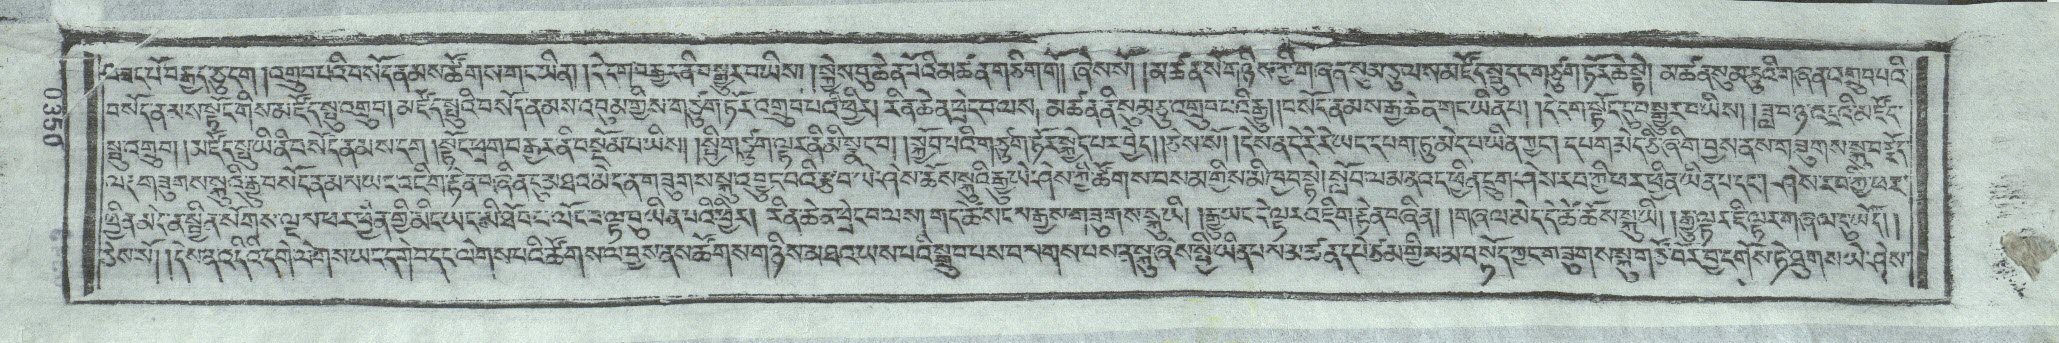བཟང་པོ་བརྒྱད་ཅུ་དག །འགྲུབ་པའི་བསོད་ནམས་ཚོགས་གང་ཡིན། །དེ་དག་བརྒྱད་ནི་བསྒྱུར་བ་ཡིས། །སྐྱེས་བུ་ཆེན་པོའི་མཚན་གཅིག་གོ། ཞེས་སོ། །མཚན་སོ་གཉིས་ཀྱི་གཞན་སུམ་ཅུ་ལས་མཛོད་སྤུ་དང་གཙུག་ཏོར་ཆེ་སྟེ། མཚན་སུམ་ཅུའི་གཞན་འགྲུབ་པའི་
བསོད་ནམས་སྟོང་གིས་མཛོད་སྤུ་འགྲུབ། མཛོད་སྤུའི་བསོད་ནམས་འབུམ་གྱིས་གཙུག་ཏོར་འགྲུབ་པའི་ཕྱིར། རིན་ཆེན་ཕྲེང་བ་ལས། མཚན་ནི་སུམ་ཅུ་འགྲུབ་པའི་རྒྱུ། །བསོད་རྣམས་རྒྱ་ཆེན་གང་ཡིན་པ། །དེ་དག་སྟོང་དུ་བསྒྱུར་བ་ཡིན། །ཟླ་བ་ཉ་འདྲའི་མཛོད་
སྤུ་འགྲུབ། །མཛོད་སྤུ་ཡི་ནི་བསོད་ནམས་དག །སྟོང་ཕྲག་རྒྱད་ནི་བསྡོམས་པ་ཡིས། །སྤྱི་གཙུག་ལྟར་ནི་མི་སྣང་བ། །སྐྱོབ་པའི་གཙུག་ཏོར་སྐྱེད་པར་བྱེད། །ཅེས་སོ། །དེས་ན་དེ་རེ་རེ་ཡང་དཔག་ཏུ་མེད་པ་ཡིན་ཀྱང་། དཔག་མེད་ཅི་ཞིག་བྱས་ནས་གཟུགས་སྐུ་བརྗོད་
ལ༑ གཟུགས་སྐུའི་རྒྱུ་བསོད་ནམས་ཡང་འདྲིབ། རྟེན་གཞིན་དུ་མཐའ་མེད་ན་གཟུགས་སྐུ་འབྱུང་བའི་རྩ་བ་ཡེ་ཤེས་ཆོས་སྐུའི་རྒྱུ་ཡེ་ཤེས་ཀྱི་ཚོགས་བསམ་གྱིས་མི་ཁྱབ་སྟེ། སློབ་ལམ་ནའང་ཕྱིན་དྲུག་ཤེས་རབ་ཀྱི་ཕར་ཕྱིན་ཡིན་པ་དང་། ཤེས་རབ་ཀྱི་ཕར་
ཕྱིན་མེད་ན་སྦྱིན་སོགས་ལྔས་ཕར་ཕྱིན་གྱི་མིད་ཡང་མི་ཐོབ་བ་ལོང་བལྟ་བུ་ཡིན་པའི་ཕྱིར། རིན་ཆེན་ཕྲེང་བ་ལས། གད་ཚེ་སངས་རྒྱས་གཟུགས་སྐུ་ཡི། །རྒྱུ་ཡང་དེ་ལྟར་འཇིག་རྟེན་བཞིན། །གཞལ་མེད་དེ་ཚེ་ཆོས་སྐུ་ཡི། །རྒྱུ་ལྟར་ཇི་ལྟར་གཞལ་དུ་ཡོད། །
ཅས་སོ། །དེས་ན་འདིའི་དགེ་ལེགས་ཡང་དགེ་བདང་ལེགས་པའི་ཚོགས་ལ་བྱས་ནས་ཚོགས་གཉིས་མཐའ་ཡས་པའི་སྒྲུབ་པས་བསགས་པས་ན་སྐུ་ཞེས་སྤྱི་ཡིན་པས་མཚན་དཔེ་ཙམ་གྱི་སམ་བསྟོད་ཀྱང་གཟུགས་སྐུ་གཙོ་བར་བྱ་དགོས་ཏེ་ཐུགས་ཡེ་ཤེས་